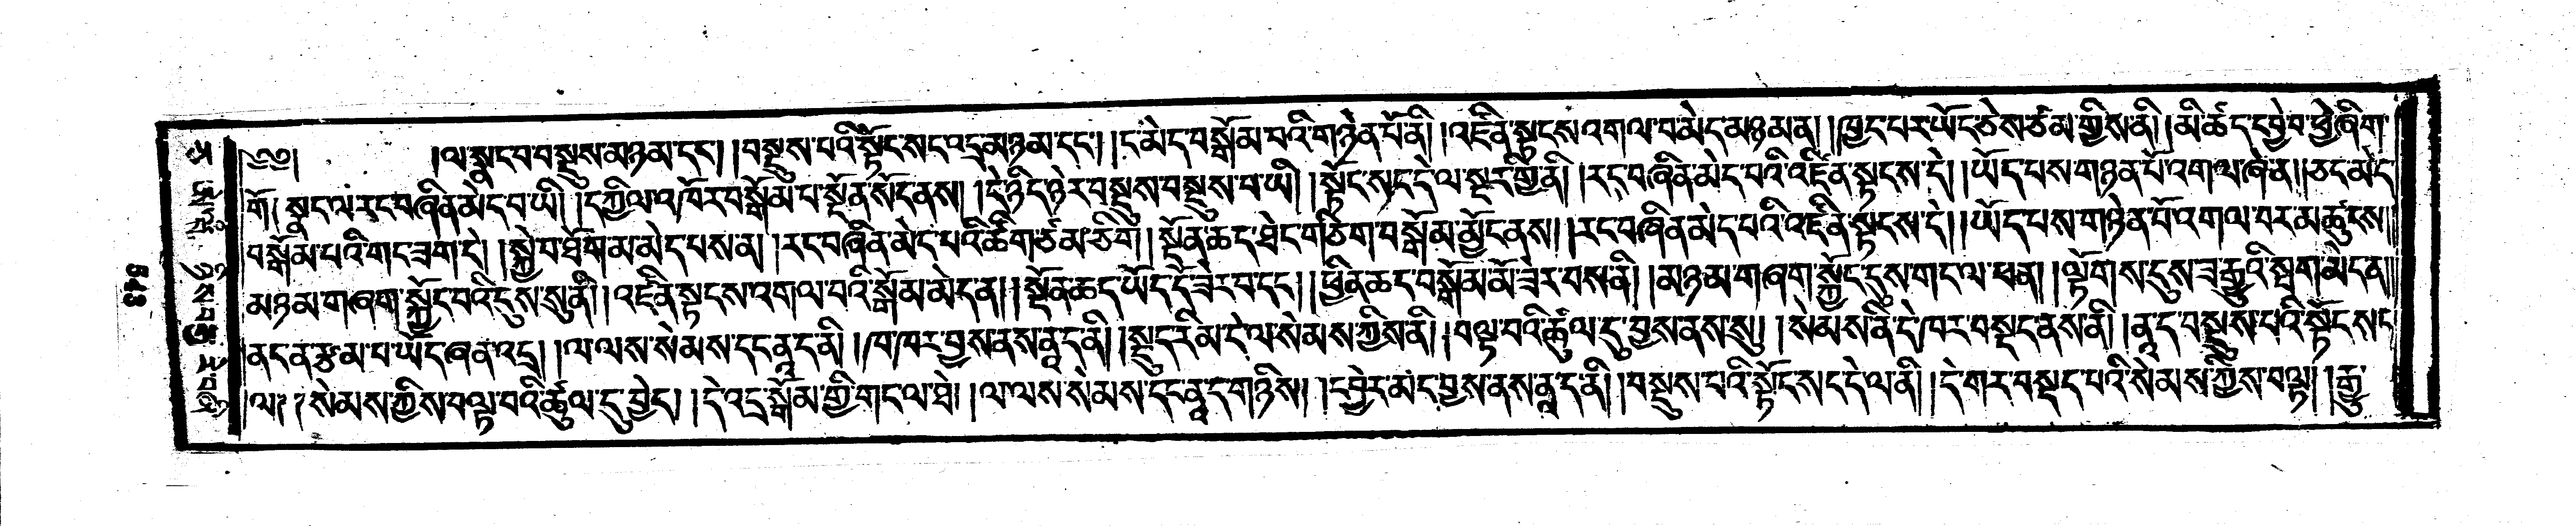༄༅། །ལ་སྣང་བ་བསྡུས་མཉམ་དང་། །བསྡུས་པའི་སྟོང་སང་འདྲ་མཉམ་དང་། །ང་མེད་བསྒོམ་པའི་གཉེན་པོ་ནི། །འཛིན་སྟངས་འགལ་བ་མེད་མཉམ་ན། །ཁྱད་པར་ཡོད་ཅེས་ཙམ་གྱིས་ནི། །མི་མཚད་དབྱེ་བ་ཕྱེ་ཞིག་
གོ༑ སྣང་ལ་རང་བཞིན་མེད་པ་ཡི། །དཀྱིལ་འཁོར་བསྒོམ་པ་སྔོན་སོང་ནས། །དེ་ཉིད་ཉེར་བསྡུས་བསྡུས་པ་ཡི། །སྟོང་སང་དེ་ལ་སྔར་གྱི་ནི། །རང་བཞིན་མེད་པའི་འཛིན་སྟངས་དེ། །ཡོད་པས་གཉེན་པོ་འགལ་ཞེ་ན། །ཅང་མེད་
བསྒོམ་པའི་གང་ཟག་དེ། །སྐྱེ་བ་ཐོག་མ་མེད་པས་ན། །རང་བཞིན་མེད་པའི་ཚིག་ཙམ་ཅིག །སྔོན་ཆད་ཐེང་གཅིག་བསྒོམ་མྱོང་ནས། །རང་བཞིན་མེད་པའི་འཛིན་སྟངས་དེ། །ཡོད་པས་གཉེན་པོ་འགལ་བར་མཚུངས། །
མཉམ་གཞག་སྐྱོང་བའི་དུས་སུ་ནི། །འཛིན་སྟངས་འགལ་བའི་སྒོམ་མེད་ན། །སྔོན་ཆད་ཡོད་དོ་ཟེར་བ་དང་། །ཕྱིན་ཆད་བསྒོམ་མོ་ཟེར་བས་ནི། །མཉམ་གཞག་སྐྱོང་དུས་གང་ལ་ཕན། །ལྟོགས་དུས་ཟ་རྒྱུའི་སྤག་མེད་ན།།
ནང་ན་རྩམ་པ་ཡོད་ཞན་འདྲ། །ལ་ལས་སེམས་དང་ནཱ་ད་ནི། །ཁ་ཁར་བྱས་ནས་ནཱ་ད་ནི། །སྡུད་རིམ་དེ་ལ་སེམས་ཀྱིས་ནི། །བལྟ་བའི་ཚུལ་དུ་བྱས་ནས་སུ། །སེམས་ནི་དེ་ཁར་བསྡད་ནས་ནི། །ནཱ་ད་བསྡུས་པའི་སྟོང་སང་
ལ༑ ༑སེམས་ཀྱིས་བལྟ་བའི་ཚུལ་དུ་བྱེད། །དེ་འདྲ་སྒོམ་གྱི་གང་ལ་ཐེ། །ལ་ལས་སེམས་དང་ནཱ་ད་གཉིས། །དབྱེར་མེད་བྱས་ནས་ནཱ་ད་ནི། །བསྡུས་པའི་སྟོང་སང་དེ་ལ་ནི། །དེ་གར་བསྡད་པའི་སེམས་ཀྱིས་བལྟ། །རྒྱུ་